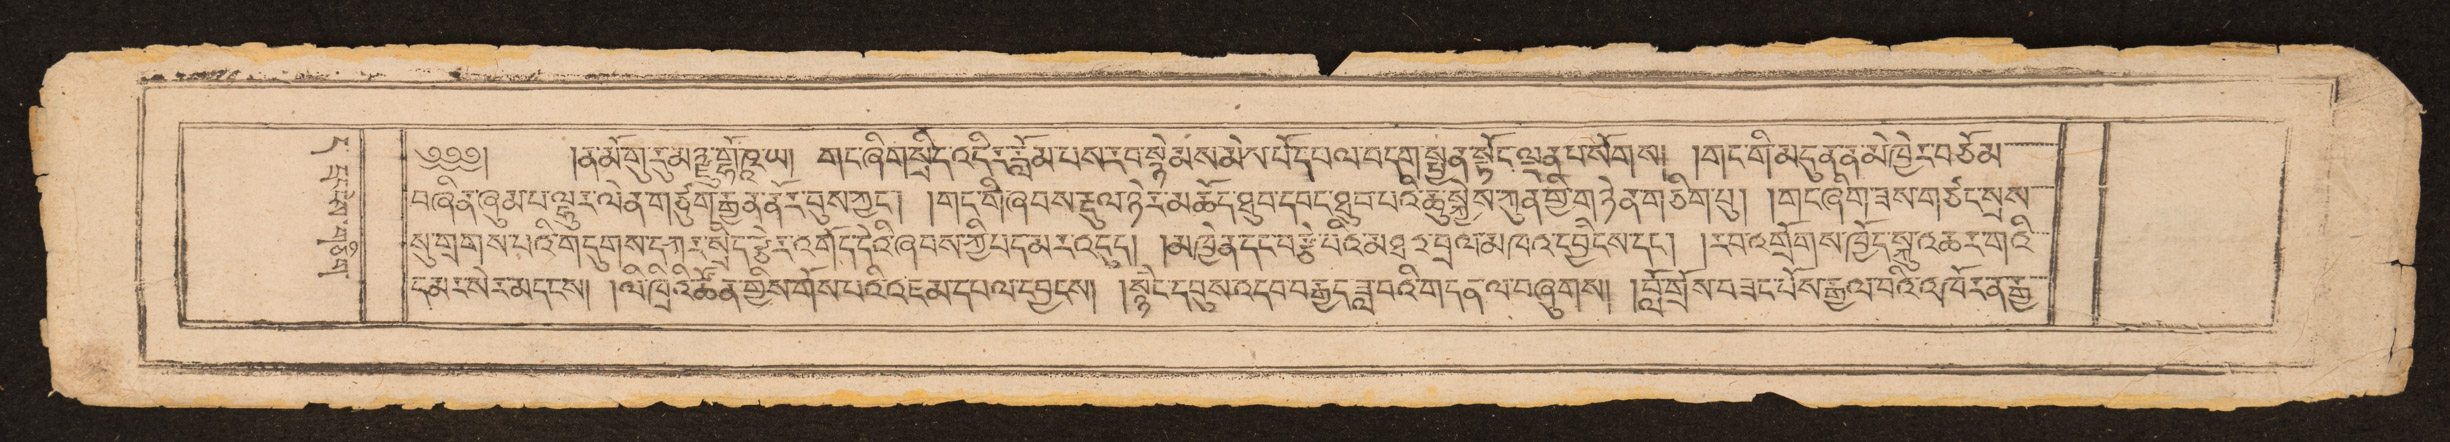ཨིཨི་༄༅༅། །ན་མོ་གུ་རུ་མཉྫུ་གྷོ་ཥཱ་ཡ། གང་ཞིག་སྲིད་འདིར་རློམ་པས་རབ་སྙེམས་མེས་བོ་དཔལ་བདག་སྤྱན་སྟོང་ལྡན་པ་སོགས། །གང་གི་མདུན་ན་མེ་ཁྱེར་བཅོམ་
བཞིན་ཞུམ་པ་ལྷུར་ལེན་གཙུག་རྒྱན་ནོར་བུས་ཀྱང་། །གང་གི་ཞབས་རྡུལ་ཉེར་མཆོད་ཐུབ་དབང་ཐུབ་པའི་ཆུ་སྐྱེས་ཀུན་གྱི་གཉེན་གཅིག་པུ། །གང་ཞིག་ཟས་གཙང་སྲས་
སུ་གྲགས་པའི་གདུགས་དཀར་སྲིད་རྩེར་འགོད་དེའི་ཞབས་ཀྱི་པད་མར་འདུད། །མཁྱེན་དང་བརྩེ་བའི་མཐའ་བྲལ་མཁའ་དབྱིངས་དང་། །རབ་འགྲོགས་ཁྱོད་སྐུ་འཆར་གའི་
དམར་སེར་མདངས། །ལི་ཁྲེའི་ཚོན་གྱིས་གོས་པའི་འཇམ་དཔལ་དབྱངས། །སྙིང་དབུས་འདབ་བརྒྱད་ཟླ་བའི་གདན་ལ་བཞུགས། །བློ་གྲོས་བཟང་པོས་རྒྱལ་བའི་འཁོར་ན་རྒྱ་